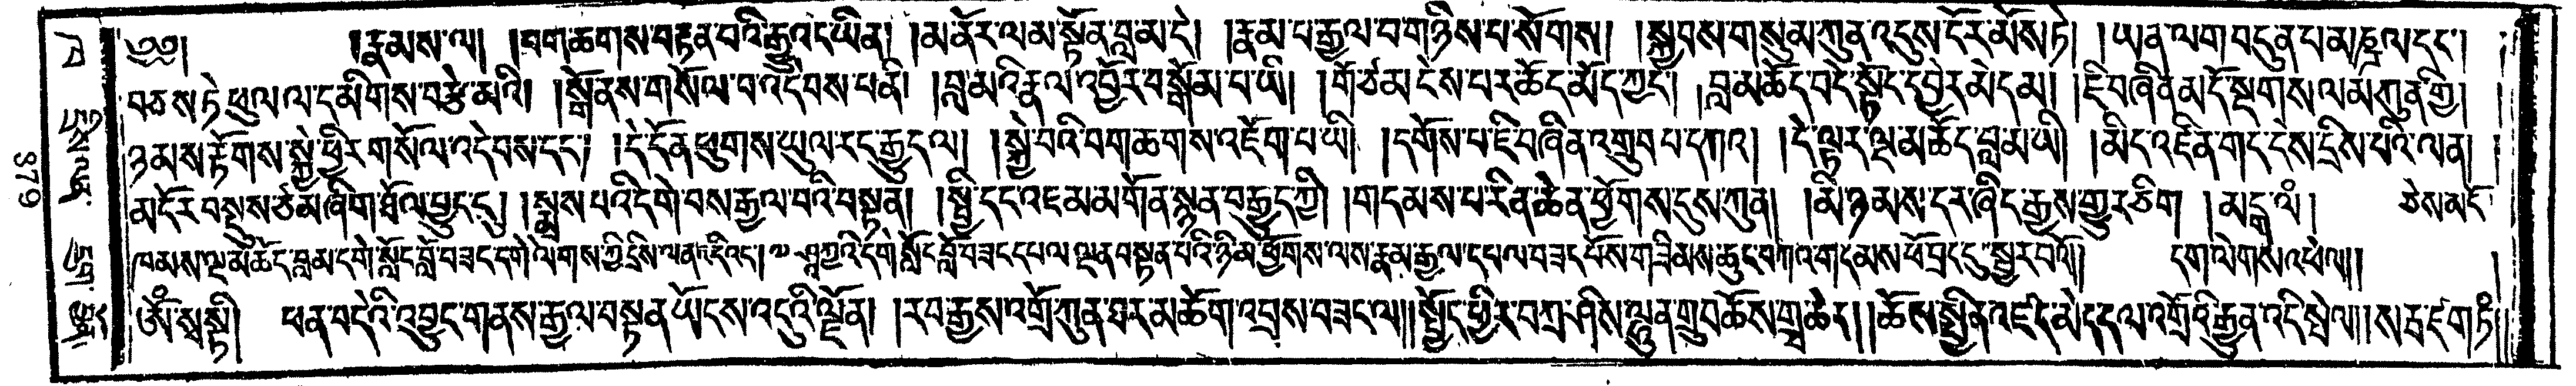༄༅། །རྣམས་ལ། །བག་ཆགས་བརྟན་པའི་རྒྱུའང་ཡིན། །མ་ནོར་ལམ་སྟོན་བླ་མ་དེ། །རྣམ་པ་རྒྱལ་བ་གཉིས་པ་སོགས། །སྐྱབས་གསུམ་ཀུན་འདུས་ངོར་མོས་ཏེ། །ཡན་ལག་བདུན་པ་མཎྜལ་དང་། །
བཅས་ཏེ་ཕུལ་ལ་དམིགས་བརྩེ་མའི། །སྒོ་ནས་གསོལ་བ་འདེབས་པ་ནི། །བླ་མའི་རྣལ་འབྱོར་བསྒོམ་པ་ཡི། །གོ་ཙམ་ངེས་པར་ཆོད་མོད་ཀྱང་། །བླ་མཆོད་བདེ་སྟོང་དབྱེར་མེད་མ། །ཇི་བཞིན་མདོ་སྔགས་ལམ་ཀུན་གྱི། །
ཉམས་རྟོགས་སྐྱེ་ཕྱིར་གསོལ་འདེབས་དང་། །དེ་དོན་ཕུགས་ཡུལ་རང་རྒྱུད་ལ། །སྐྱེ་བའི་བག་ཆགས་འཇོག་པ་ཡི། །དགོས་པ་ཇི་བཞིན་འགྲུབ་པ་དཀའ། །དེ་ལྟར་ལྔ་མཆོད་བླ་མ་ཡི། །མིང་འཛིན་གང་ངེས་དྲིས་པའི་ལན། །
མདོར་བསྡུས་ཙམ་ཞིག་ཐོལ་བྱུང་དུ། །སྨྲས་པའི་དགེ་བས་རྒྱལ་བའི་བསྟན། །སྤྱི་དང་འཇམ་མགོན་སྙན་བརྒྱུད་ཀྱི། །གདམས་པ་རིན་ཆེན་ཕྱོགས་དུས་ཀུན། །མི་ཉམས་དར་ཞིང་རྒྱས་གྱུར་ཅིག །མངྒ་ལཾ། ཅེས་མདོ་
ཁམས་ལྔ་མཆོད་བླ་མ་དགེ་སློང་བློ་བཟང་དགེ་ལེགས་ཀྱི་དྲིས་ལན་འདིའང་། ༧་ཤཱཀྱའི་དགེ་སློང་བློ་བཟང་དཔལ་ལྡན་བསྟན་པའི་ཉི་མ་ཕྱོགས་ལས་རྣམ་རྒྱལ་དཔལ་བཟང་པོས་གཟིམས་ཆུང་བཀའ་གདམས་ཕོ་བྲང་དུ་སྦྱར་བའོ།། དག་ལེགས་འཕེལ།། །
ཨོཾ་སྭསྟི། ཕན་བདེའི་འབྱུང་གནས་རྒྱལ་བསྟན་ཡོངས་འདུའི་ལྗོན། །རབ་རྒྱས་འགྲོ་ཀུན་ཐར་མཆོག་འབྲས་བཟང་ལ། །སྤྱོད་ཕྱིར་བཀྲ་ཤིས་ལྷུན་གྲུབ་ཆོས་གྲྭ་ཆེར། །ཆོས་སྤྱིན་འཛད་མེད་དལ་འགྲོའི་རྒྱུན་འདི་སྤེལ། །སརྦ་ཛ་ག་ཏཾ།།